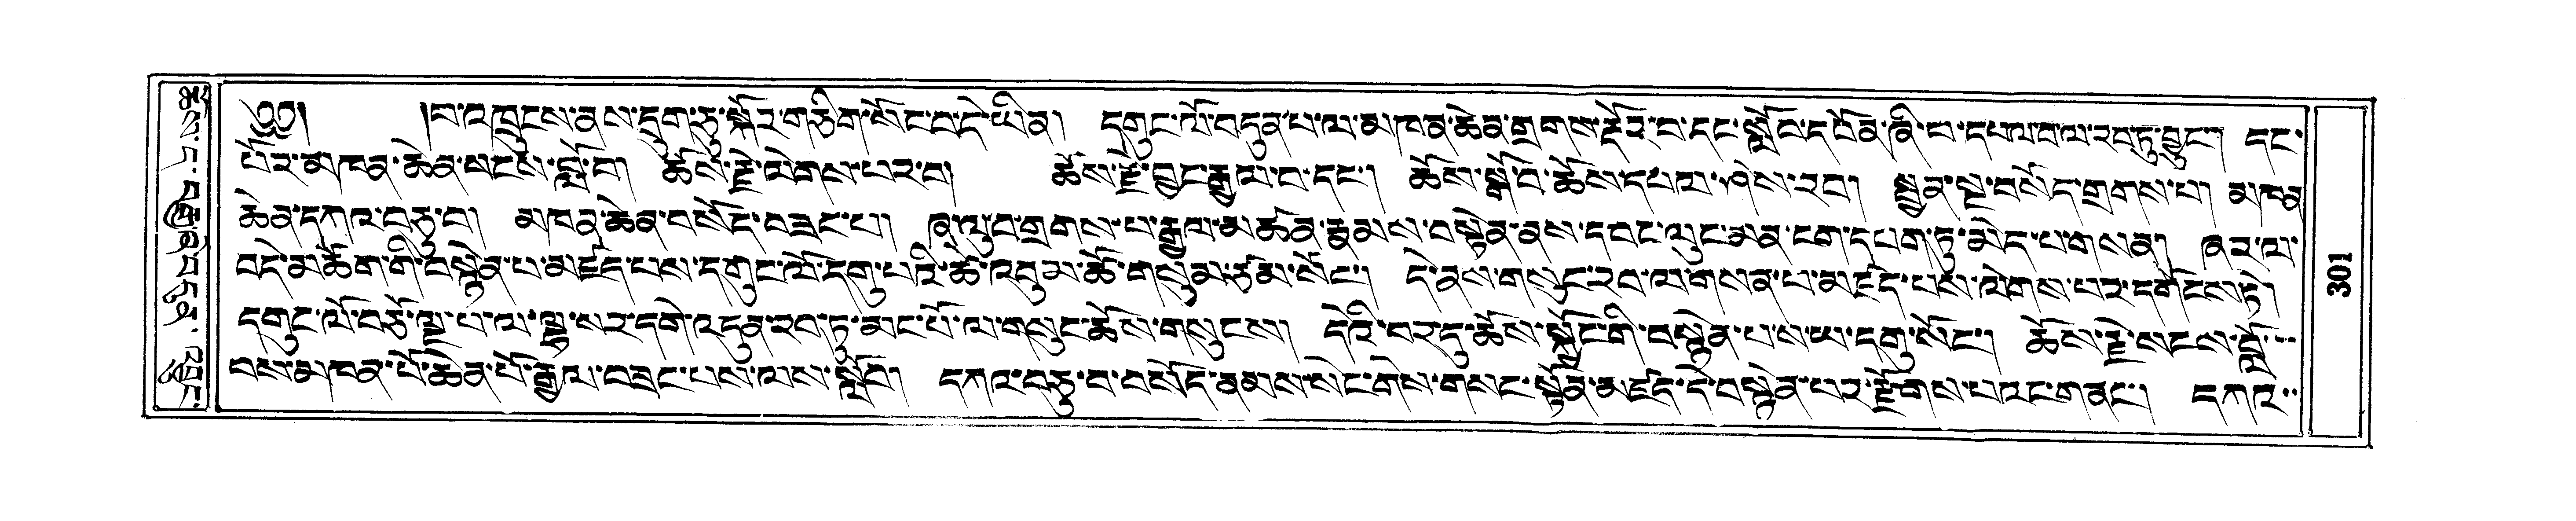༄༅། །བ་འཁྲུངས་ནས་དྲུག་ཅུ་སྐོར་གཅིག་སོང་བ་དེ་ཡིན། དགུང་ལོ་བདུན་པ་ལ་མཁན་ཆེན་གྲགས་རྡོར་བ་དང་སློབ་དཔོན་ཞི་བ་དཔལ་བ་ལ་རབ་ཏུ་བྱུང་། དང་
པོར་མཁན་ཆེན་སངས་བློ་བ། ཆོས་རྗེ་ལེགས་པར་བ། ཆོས་རྗེ་བྱང་རྒྱལ་བ་དང་། ཆོས་སྒོ་བ་ཆོས་དཔལ་ཤེས་རབ། སྤྱན་སྔ་བསོད་གྲགས་པ། མཁན་
ཆེན་དཀའ་བཅུ་བ། མཁན་ཆེན་བསོད་བཟང་པ། ཞ་ལུ་བ་གྲགས་པ་རྒྱལ་མཚན་རྣམས་བསྟེན་ནས་དབང་ལུང་མན་ངག་དཔག་ཏུ་མེད་པ་གསན། ཞར་ལ་
བདེ་མཆོག་གི་བསྙེན་པ་མཛད་པས་དགུང་ལོ་དགུ་པའི་ཚེ་འབུམ་ཚོ་གསུམ་ཙམ་སོང་། དེ་ནས་གསུང་རབ་ལ་གནས་པ་མཛད་པས་ལེགས་པར་དགོངས་ཏེ།
དགུང་ལོ་བཅོ་ལྔ་པ་ལ་ལྷ་སར་དགེ་འདུན་རབ་ཏུ་མང་པོ་ལ་གསུང་ཆོས་གསུངས། དེའི་བར་དུ་ཆོས་སྐྱོང་གི་བསྙེན་པས་ཡ་དགུ་སོང་། ཆོས་རྗེ་སངས་བློ་
ཕ༹བས་མཁན་པོ་ཆེན་པོ་རྒྱལ་བཟང་པས་ལས་སློབ། དཀའ་བཅུ་བ་བསོད་ནམས་སེང་གེས་གསང་སྟོན་མཛད་དེ་བསྙེན་པར་རྫོགས་པའང་གནང་། དཀའ་